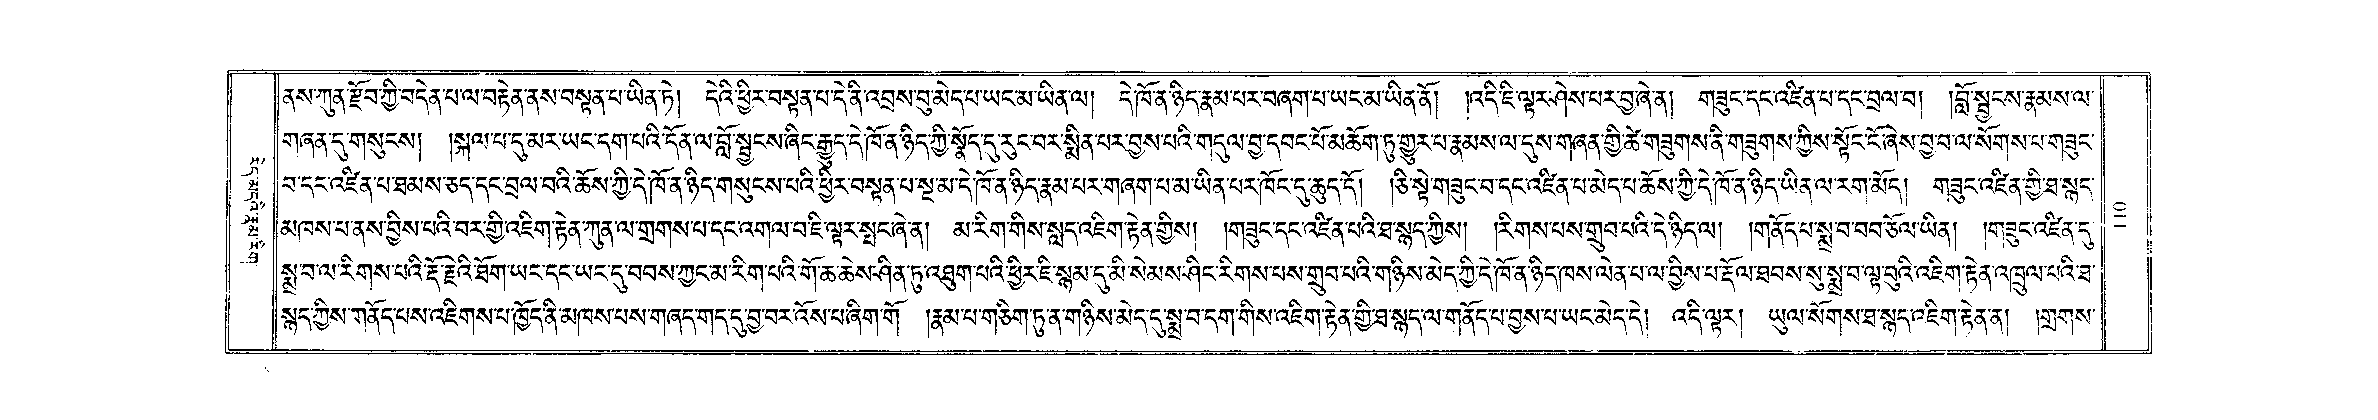ནས་ཀུན་རྫོབ་ཀྱི་བདེན་པ་ལ་བརྟེན་ནས་བསྟན་པ་ཡིན་ཏེ། དེའི་ཕྱིར་བསྟན་པ་དེ་ནི་འབྲས་བུ་མེད་པ་ཡང་མ་ཡིན་ལ། དེ་ཁོ་ན་ཉིད་རྣམ་པར་བཞག་པ་ཡང་མ་ཡིན་ནོ། །འདི་ཇི་ལྟར་ཤེས་པར་བྱ་ཞེ་ན། གཟུང་དང་འཛིན་པ་དང་བྲལ་བ། །བློ་སྦྱངས་རྣམས་ལ་
གཞན་དུ་གསུངས། །སྐལ་པ་དུ་མར་ཡང་དག་པའི་དོན་ལ་བློ་སྦྱངས་ཞིང་རྒྱུད་དེ་ཁོ་ན་ཉིད་ཀྱི་སྣོད་དུ་རུང་བར་སྨིན་པར་བྱས་པའི་གདུལ་བྱ་དབང་པོ་མཆོག་ཏུ་གྱུར་པ་རྣམས་ལ་དུས་གཞན་གྱི་ཚེ་གཟུགས་ནི་གཟུགས་ཀྱིས་སྟོང་ངོ་ཞེས་བྱ་བ་ལ་སོགས་པ་གཟུང་
བ་དང་འཛིན་པ་ཐམས་ཅད་དང་བྲལ་བའི་ཆོས་ཀྱི་དེ་ཁོ་ན་ཉིད་གསུངས་པའི་ཕྱིར་བསྟན་པ་སྔ་མ་དེ་ཁོ་ན་ཉིད་རྣམ་པར་གཞག་པ་མ་ཡིན་པར་ཁོང་དུ་ཆུད་དོ། །ཅི་སྟེ་གཟུང་བ་དང་འཛིན་པ་མེད་པ་ཆོས་ཀྱི་དེ་ཁོ་ན་ཉིད་ཡིན་ལ་རག་མོད། གཟུང་འཛིན་གྱི་ཐ་སྙད་
མཁས་པ་ནས་བྱིས་པའི་བར་གྱི་འཇིག་རྟེན་ཀུན་ལ་གྲགས་པ་དང་འགལ་བ་ཇི་ལྟར་སྤང་ཞེ་ན། མ་རིག་གིས་སླད་འཇིག་རྟེན་གྱིས། །གཟུང་དང་འཛིན་པའི་ཐ་སྙད་ཀྱིས། །རིགས་པས་གྲུབ་པའི་དེ་ཉིད་ལ། །གནོད་པ་སྨྲ་བ་བབ་ཅོལ་ཡིན། །གཟུང་འཛིན་དུ་
སྨྲ་བ་ལ་རིགས་པའི་རྡོ་རྗེའི་ཐོག་ཡང་དང་ཡང་དུ་བབས་ཀྱང་མ་རིག་པའི་གོ་ཆ་ཆེས་ཤིན་ཏུ་འཐུག་པའི་ཕྱིར་ཇི་སྙམ་དུ་མི་སེམས་ཤིང་རིགས་པས་གྲུབ་པའི་གཉིས་མེད་ཀྱི་དེ་ཁོ་ན་ཉིད་ཁས་ལེན་པ་ལ་བྱིས་པ་རྡོལ་ཐབས་སུ་སྨྲ་བ་ལྟ་བུའི་འཇིག་རྟེན་འཁྲུལ་པའི་ཐ་
སྙད་ཀྱིས་གནོད་པས་འཇིགས་པ་ཁྱོད་ནི་མཁས་པས་གཞད་གད་དུ་བྱ་བར་འོས་པ་ཞིག་གོ །རྣམ་པ་གཅིག་ཏུ་ན་གཉིས་མེད་དུ་སྨྲ་བ་དག་གིས་འཇིག་རྟེན་གྱི་ཐ་སྙད་ལ་གནོད་པ་བྱས་པ་ཡང་མེད་དེ། འདི་ལྟར། ཡུལ་སོགས་ཐ་སྙད་འཇིག་རྟེན་ན། །གྲགས་